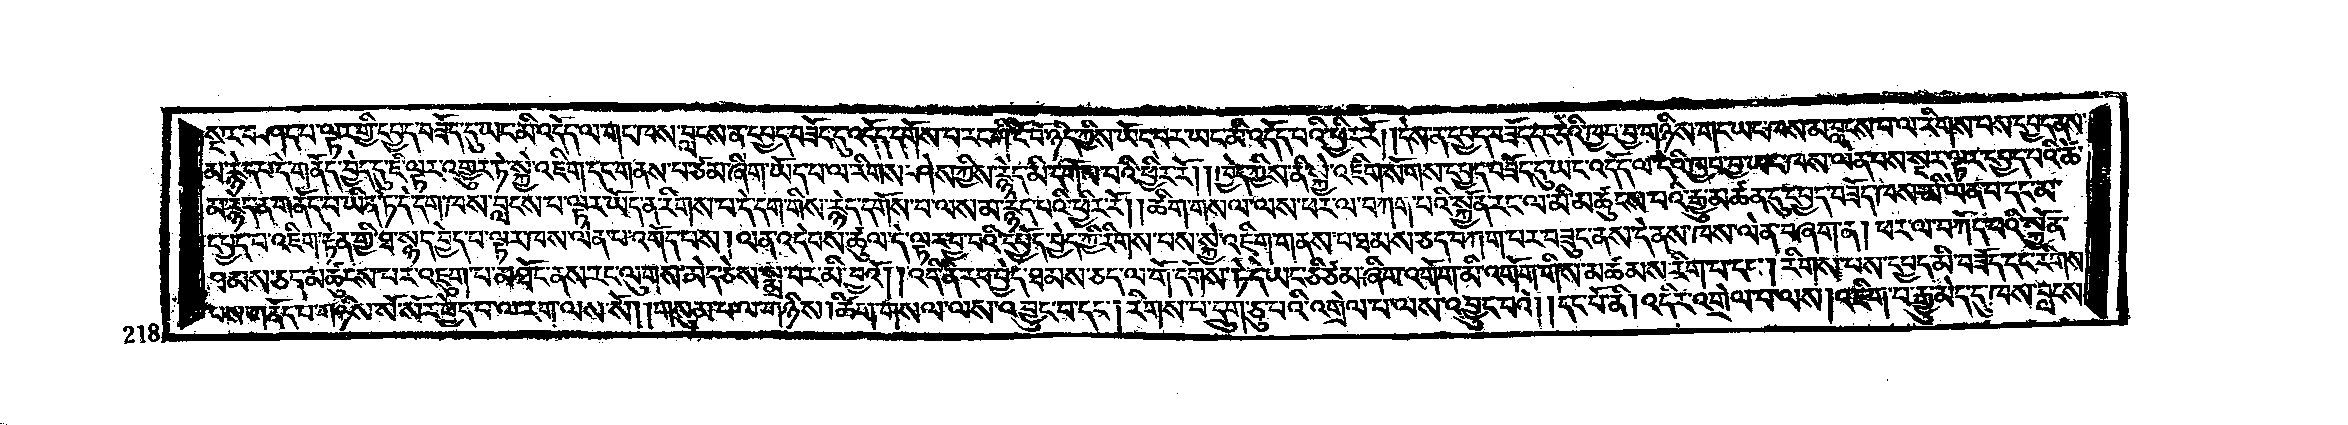སྔར་བཤད་པ་ལྟར་གྱི་དཔྱད་བཟོད་དུ་ཡང་མི་འདོད་ལ་གང་ཁས་བླངས་ན་དཔྱད་བཟོད་དུ་འདོད་དགོས་པ་རང་གི་ངོ་བོ་ཉིད་ཀྱིས་ཡོད་པར་ཡང་མི་འདོད་པའི་ཕྱིར་རོ། །དེས་ན་དཔྱད་བཟོད་དང་དེའི་ཁྱབ་བྱ་གཉིས་གང་ཡང་ཁས་མ་བླངས་པ་ལ་རིགས་པས་དཔྱད་ནས་
མ་རྙེད་པ་དེ་གནོད་བྱེད་དུ་ཇི་ལྟར་འགྱུར་ཏེ་སྐྱེ་འཇིག་དང་གནས་པ་ཙམ་ཞིག་ཡོད་པ་ལ་རིགས་ཤེས་ཀྱི་རྙེད་མི་དགོས་པའི་ཕྱིར་རོ། །ཁྱེད་ཀྱིས་ནི་སྐྱེ་འཇིག་སོགས་དཔྱད་བཟོད་དུ་ཡང་འདོད་ལ་དེའི་ཁྱབ་བྱ་ཡང་ཁས་ལེན་པས་སྔར་ལྟར་དཔྱད་པའི་ཚེ་
མ་རྙེད་ན་གནོད་པ་ཡིན་ཏེ་དེ་དག་ཁས་བླངས་པ་ལྟར་ཡོད་ན་རིགས་པ་དེ་དག་གིས་རྙེད་དགོས་པ་ལས་མ་རྙེད་པའི་ཕྱིར་རོ། །ཚིག་གསལ་ལས་ཕར་ལ་བཀག་པའི་སྐྱོན་རང་ལ་མི་མཚུངས་པའི་རྒྱུ་མཚན་དུ་དཔྱད་བཟོད་ཁས་མི་ལེན་པ་དང་མ་
དཔྱད་པ་འཇིག་རྟེན་གྱི་ཐ་སྙད་བྱེད་པ་ལྟར་ཁས་ལེན་པ་འགོད་པས། ལན་འདེབས་ཚུལ་དེ་ལྟར་བྱ་བའི་དཔྱོད་བྱེད་ཀྱི་རིགས་པས་སྐྱེ་འཇིག་གནས་པ་ཐམས་ཅད་བཀག་པར་བཟུང་ནས་དེ་ནས་ཁས་ལེན་བཞག་ན། ཕར་ལ་བཀོད་པའི་སྐྱོན་
ཐམས་ཅད་མཚུངས་པར་འཇུག་པ་མཐོང་ནས་རང་ལུགས་མེད་ཅེས་སྨྲ་བར་མི་བྱའོ། །འདི་ནི་རབ་བྱེད་ཐམས་ཅད་ལ་གོ་དགོས་ཏེ་ད་ཡང་ཅི་ཙམ་ཞིག་འགོག་མི་འགོག་གིས་མཚམས་རིག་པ་དང་། རིགས་པས་དཔྱད་མི་བཟོད་དང་རིགས་
པས་གནོད་པ་གཉིས་སོ་སོར་ཕྱེད་པ་ལ་རག་ལས་སོ། །གསུམ་པ་ལ་གཉིས། །ཆིག་གསལ་ལས་འབྱུང་བ་དང་། རིགས་པ་དྲུག་ཅུ་བའི་འགྲེལ་པ་ལས་འབྱུང་བའི། །དང་པོ་ནི། འདིར་འགྲེལ་པ་ལས། འཇིག་པ་རྒྱུ་མེད་དུ་ཁས་བླངས་